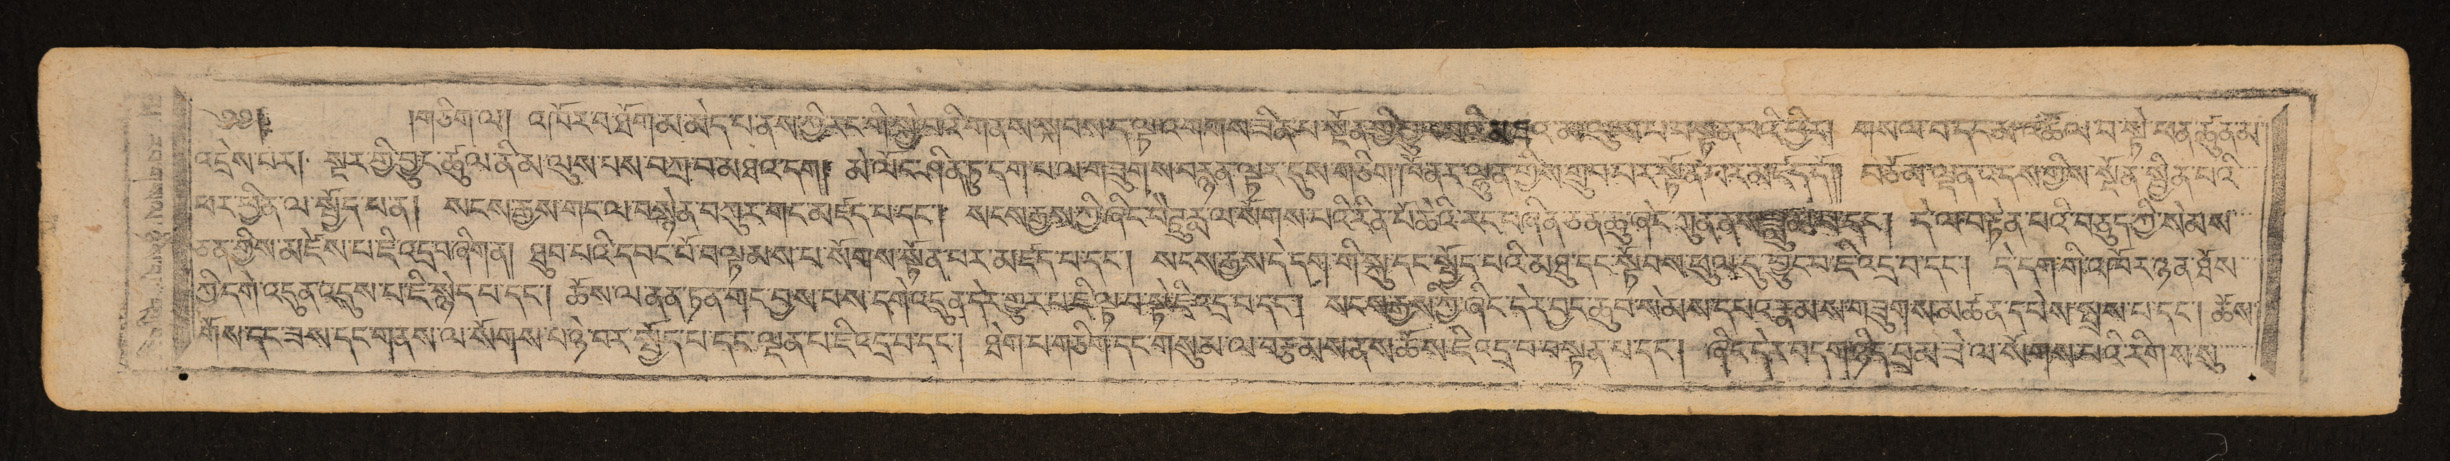༄༅། །གཅིག་ལ། འཁོར་བ་ཐོག་མ་མེད་པ་ནས་ཀྱི་རང་གི་སྐྱེ་བའི་གནས་སྐབས་ད་ལྟ་འགགས་ཟིན་པ་སྔོན་གྱི་བྱུང་བའི་མཐའ་མ་ལུས་པ་བསྟན་པའི་ཕྱིར། གསལ་བ་དང་མ་འཆོལ་བ་སྟེ་ཕན་ཚུན་མ་
དྲེས་པར། སྔར་གྱི་བྱུང་ཚུལ་ནི་མ་ལུས་པས་བཀྲ་བ་མཐའ་དག། མེ་ལོང་ཤིན་ཏུ་དག་པ་ལ་གཟུགས་བརྙན་ལྟར་དུས་གཅིག་ཁོ་ནར་ལྷུན་གྱིས་གྲུབ་པར་སྟོན་པར་མཛད་དོ།། བཅོམ་ལྡན་འདས་ཀྱིས་སྔོན་སྦྱིན་པའི་
ཕར་ཕྱིན་ལ་སྤྱོད་པ་ན། སངས་རྒྱས་གང་ལ་བསྙེན་བཀུར་གང་མཛད་པ་དང་། སངས་རྒྱས་ཀྱི་ཞིང་བཻཌཱུརྱ་ལ་སོགས་པའི་རིན་པོ་ཆེའི་རང་བཞིན་ཅན་ཆུ་ཞེང་ཀུན་ནས་ཟླུམ་པ་དང་། དེ་ལ་བརྟེན་པའི་བཅུད་ཀྱི་སེམས་
ཅན་གྱིས་མཛེས་པ་ཇི་འདྲ་བ་ཞིག་ན། ཐུབ་པའི་དབང་པོ་བལྟམས་པ་སོགས་སྟོན་པར་མཛད་པ་དང་། སངས་རྒྱས་དེ་དག་གི་སྐུ་དང་སྤྱོད་པའི་མཐུ་དང་སྟོབས་ཕུལ་དུ་བྱུང་བ་ཇི་འདྲ་བ་དང་། དེ་དག་གི་འཁོར་ཉན་ཐོས་
ཀྱི་དགེ་འདུན་འདུས་པ་ཇི་སྙེད་པ་དང་། ཆོས་ལ་ནན་ཏན་གང་བྱས་པས་དགེ་འདུན་དེར་གྱུར་པ་ཇི་ལྟ་བ་སྟེ་ཇི་འདྲ་བ་དང་། སངས་རྒྱས་ཀྱི་ཞིང་དེར་བྱང་ཆུབ་སེམས་དཔའ་རྣམས་གཟུགས་མཚན་དཔེས་སྤྲས་པ་དང་། ཆོས་
གོས་དང་ཟས་དང་གནས་ལ་སོགས་པ་ཉེ་བར་སྤྱོད་པ་དང་ལྡན་པ་ཇི་འདྲ་བ་དང་། ཐེག་པ་གཅིག་དང་གསུམ་ལ་བརྩམས་ནས་ཆོས་ཇི་འདྲ་བ་བསྟན་པ་དང་། ཞིང་དེར་བདག་ཉིད་བྲམ་ཟེ་ལ་སོགས་པའི་རིགས་སུ་